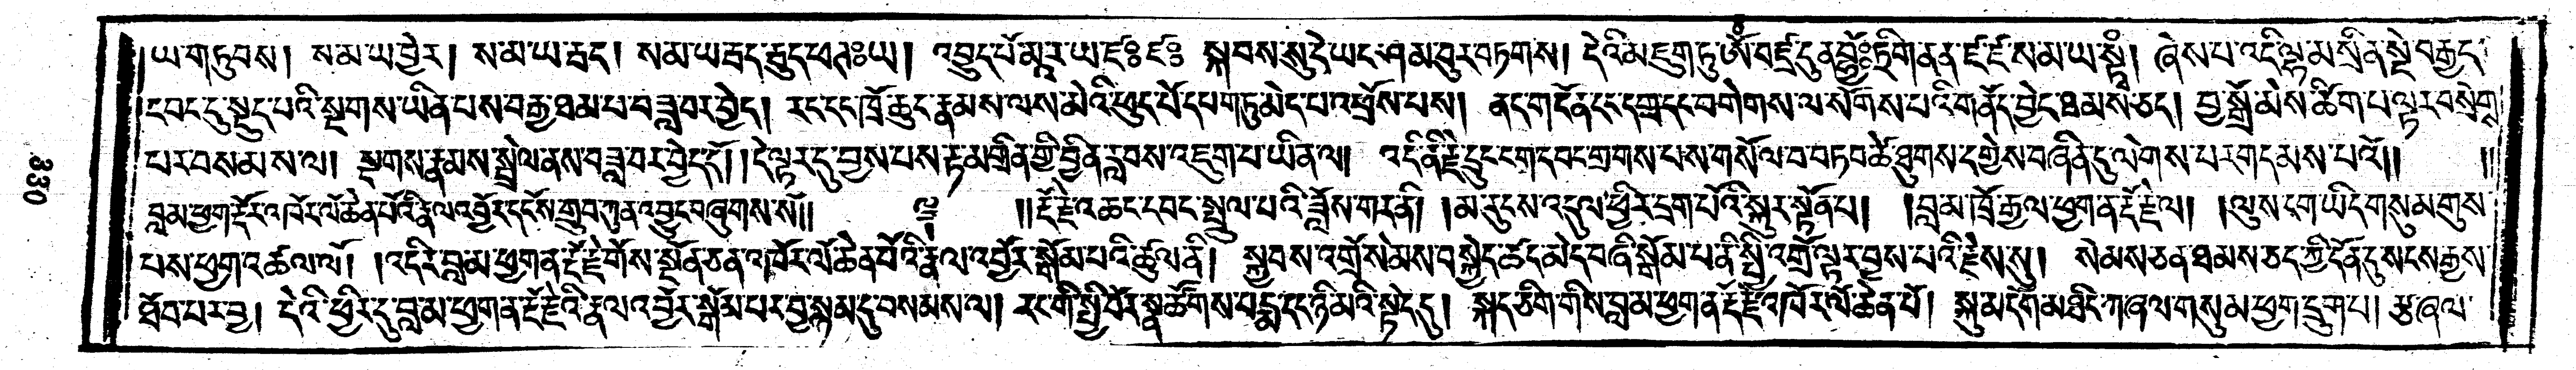ཡ་གཏུབས། ས་མ་ཡ་བྱེར། ས་མ་ཡ་རྦད། ས་མ་ཡ་རྦད་ཕཊཿ ཡ། འབྱུང་པོ་མཱ་ར་ཡ་ཛཿ ཛཿ སྐབས་སུ་དེ་ཡང་ཤམ་བུར་བཏགས། དེའི་མཇུག་ཏུ་ཨོཾ་བཛྲ་དུན་བྷྱོཿ ཏྲིག་ནན་ཛ་ཛ་ས་མ་ཡ་སྟྭཾ། ཞེས་པ་འདི་ལྷ་མ་སྲིན་སྡེ་བརྒྱད།
དབང་དུ་སྡུད་པའི་སྔགས་ཡིན་པས་བརྒྱ་ཐམ་པ་བཟླ་བར་བྱེད། རང་དང་ཁྲོ་ཆུང་རྣམས་ལས་མེའི་ཕུང་པོ་དཔག་ཏུ་མེད་པ་འཕྲོས་པས། ནད་གདོན་དང་དགྲ་དང་བགེགས་ལ་སོགས་པའི་གནོད་བྱེད་ཐམས་ཅད། བྱ་སྒྲོ་མེས་ཚིག་པ་ལྟར་བསྲེགས་
པར་བསམས་ལ། སྔགས་རྣམས་སྦྲེལ་ནས་བཟླ་བར་བྱེད་དོ། །དེ་ལྟར་དུ་བྱས་པས་རྟ་མགྲིན་གྱི་བྱིན་རླབས་འཇུག་པ་ཡིན་ལ། འདི་ནི་རྗེ་དྲུང་ངག་དབང་གྲགས་པས་གསོལ་བ་བཏབ་ཚེ་ཐུགས་དགྱེས་བཞིན་དུ་ལེགས་པར་གདམས་པའོ།། །།
བླ་མ་ཕྱག་རྡོར་འཁོར་ལོ་ཆེན་པོའི་རྣལ་འབྱོར་དངོས་གྲུབ་ཀུན་འབྱུང་བཞུགས་སོ།། ༈ །།རྡོ་རྗེ་འཆང་དབང་སྤྲུལ་པའི་ཟློས་གར་ནི། །མ་རུངས་འདུལ་ཕྱིར་དྲག་པོའི་སྐུར་སྟོན་པ། །བླ་མ་ཁྲོ་རྒྱལ་ཕྱག་ན་རྡོ་རྗེ་ལ། །ལུས་ངག་ཡིད་གསུམ་གུས་
པས་ཕྱག་འཚལ་ལོ། །འདིར་བླ་མ་ཕྱག་ན་རྡོ་རྗེ་གོས་སྔོན་ཅན་འཁོར་ལོ་ཆེན་པོའི་རྣལ་འབྱོར་སྒོམ་པའི་ཚུལ་ནི། སྐྱབས་འགྲོ་སེམས་བསྐྱེད་ཚད་མེད་བཞི་སྒོམ་པ་ནི་སྤྱི་འགྲོ་ལྟར་བྱས་པའི་རྗེས་སུ། སེམས་ཅན་ཐམས་ཅད་ཀྱི་དོན་དུ་སངས་རྒྱས་
ཐོབ་པར་བྱ། དེའི་ཕྱིར་དུ་བླ་མ་ཕྱག་ན་རྡོ་རྗེའི་རྣལ་འབྱོར་སྒོམ་པར་བྱ་སྙམ་དུ་བསམས་ལ། རང་གི་སྤྱི་བོར་སྣ་ཚོགས་པདམ་དང་ཉི་མའི་སྟེང་དུ། སྐད་ཅིག་གིས་བླ་མ་ཕྱག་ན་རྡོ་རྗེ་འཁོར་ལོ་ཆེན་པོ། སྐུ་མདོག་མཐིང་ཀ་ཞལ་གསུམ་ཕྱག་དྲུག་པ། རྩ་ཞལ་